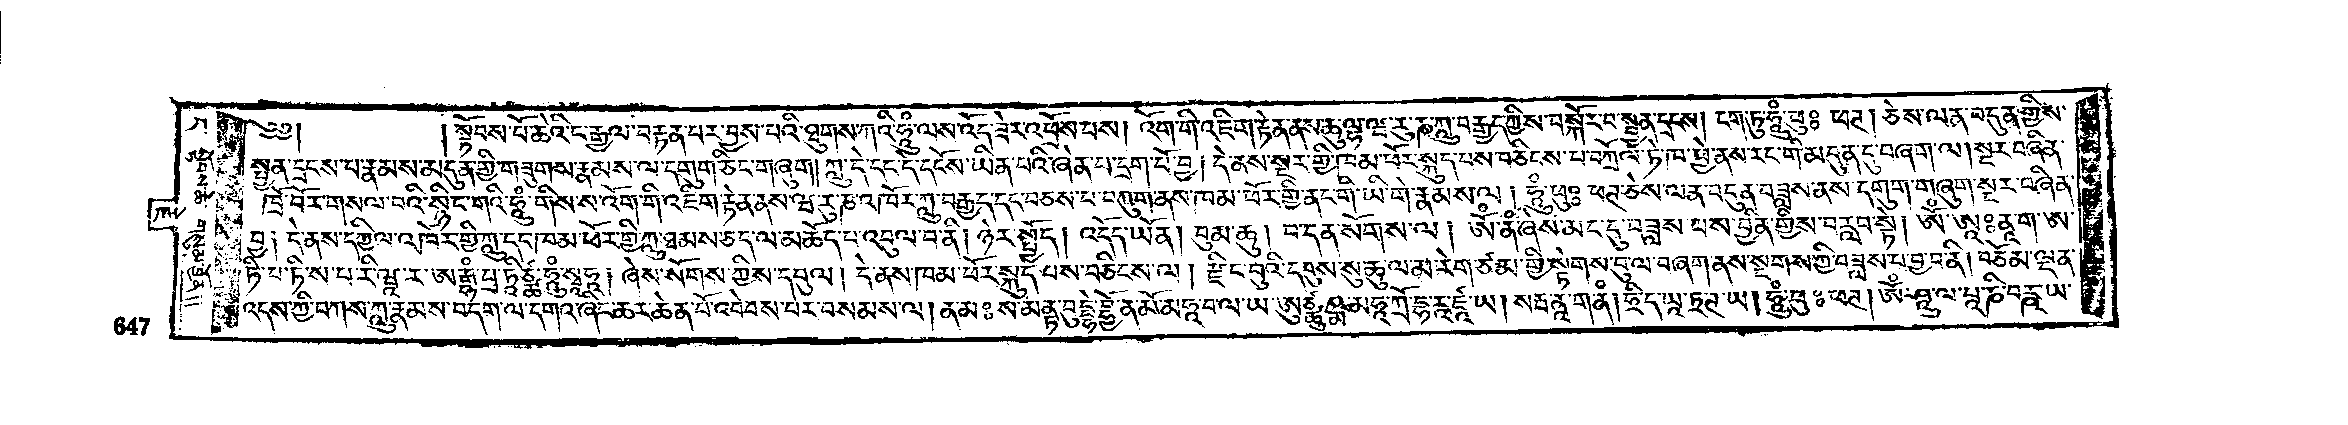༄༅། །སྟོབས་པོ་ཆེའི་ང་རྒྱལ་བརྟན་པར་བྱས་པའི་ཐུགས་ཀའི་ཧཱུཾ་ལས་འོད་ཟེར་འཕྲོས་པས། འོག་གི་འཇིག་རྟེན་ནས་ཆུ་ལྷ་ཝ་རུ་ཎ་ཀླུ་བརྒྱད་ཀྱིས་བསྐོར་བ་སྤྱན་དྲངས། ངག་ཏུ་ཧཱུཾ་ཕུཿ ཕགས། ཅེས་ལན་བདུན་གྱིས་
སྤྱན་དྲངས་པ་རྣམས་མདུན་གྱི་གཟུགས་རྣམས་ལ་དགུག་ཅིང་གཞུག །ཀླུ་དེ་དང་དེ་དངོས་ཡིན་པའི་ཞེན་པ་དྲག་པོ་བྱ། དེ་ནས་སྔར་གྱི་ཁམ་ཕོར་སྐུད་པས་བཅིངས་པ་བཀྲོལ་ཏེ་ཁ་ཕྱེ་ནས་རང་གི་མདུན་དུ་བཞག་ལ། སྔར་བཞིན་
ཁྲོ་བོར་གསལ་བའི་སྙིང་གའི་ཧཱུཾ་གིས་ས་འོག་གི་འཇིག་རྟེན་ནས་ཝ་རུ་ཎ་འཁོར་ཀླུ་བརྒྱད་དང་བཅས་པ་བཀུག་ནས་ཁམ་ཕོར་གྱི་ནང་གི་ཡི་གེ་རྣམས་ལ། ཧཱུཾ་ཕུཿ ཕགས་ཅེས་ལན་བདུན་བཟླས་ནས་དགུག་གཞུག་སྔར་བཞིན་
བྱ། དེ་ནས་དཀྱིལ་འཁོར་གྱི་ཀླུ་དང་ཁམ་ཕོར་གྱི་ཀླུ་ཐམས་ཅད་ལ་མཆོད་པ་འབུལ་བ་ནི། ཉེར་སྤྱོད། འདོད་ཡོན། བུམ་ཆུ། བ་དན་སོགས་ལ། ཨོཾ་ནཾ་ཞེས་མང་དུ་བཟླས་པས་བྱིན་གྱིས་བརླབ་སྟེ། ཨོཾ་ཨཱཿ ནཱ་ག་ཨ་
ཏི་པ་ཏི་ས་པ་རི་ཝཱ་ར་ཨརྒྷཾ་པྲ་ཏཱི་ཙྪ་ཧཱུཾ་སྭཱ་ཧཱ། ཞེས་སོགས་ཀྱིས་དབུལ། དེ་ནས་ཁམ་ཕོར་སྐུད་པས་བཅིངས་ལ། རྫིང་བུའི་དབུས་སུ་ཆུ་ལ་མ་རེག་ཙམ་གྱི་སྟེགས་བུ་ལ་བཞག་ནས་སྔགས་ཀྱི་བཟླས་པ་བྱ་བ་ནི། བཅོམ་ལྡན་
འདས་ཀྱི་བཀས་ཀླུ་རྣམས་བདག་ལ་དགའ་ཞིང་ཆར་ཆེན་པོ་འབེབས་པར་བསམས་ལ། ན་མཿ ས་མནྟ་བུདྡྷེ་བྷྱོ་ན་མོ་མ་ཧཱ་བ་ལ་ཡ་ཨུཙྪུ་ཥྨ་མཧཱ་ཀྲོ་དྷ་རཱ་ཛཱ་ཡ། སརྦ་ནཱ་ག་ནཾ། ཧྲི་ད་ཡཱ་ཏྲ་ཊ་ཡ། ཧཱུཾ་ཕུཿ ཕགས། ཨོཾ་ཤཱུ་ལ་པཱ་ཎི་བརྵ་ཡ་